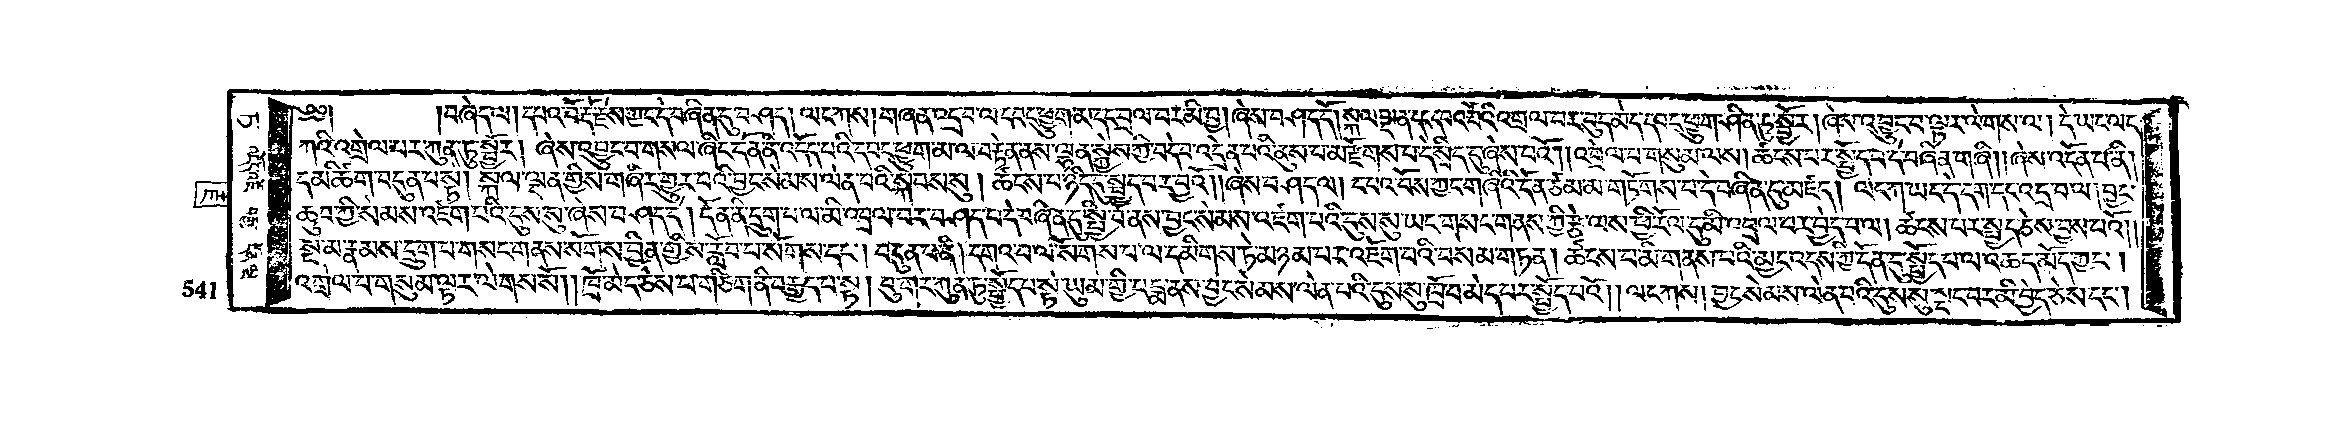༄༅། །བཞེད་ལ། དཔའ་བོ་རྡོ་རྗེས་ཀྱང་དེ་བཞིན་དུ་བཤད། ལང་ཀས། གཞན་འདྲ་བ་ལ་དབང་ཕྱུག་མ་དང་བྲལ་བར་མི་བྱ། ཞེས་བཤད་དོ། སྐལ་ལྡན་དང་དཔའ་བོའི་འགྲེལ་པར་བུད་མེད་དབང་ཕྱུག་ཤིན་ཏུ་སྦྱོར། ཞེས་འབྱུང་བ་ལྟར་ལེགས་ལ། དེ་ཡང་ལང་
ཀའི་འགྲེལ་པར་ཀུན་ཏུ་སྦྱོར། ཞེས་འབྱུང་བ་གསལ་ཞིང་དོན་ནི་འདོད་པའི་དབང་ཕྱུག་མ་ལ་བརྟེན་ནས་ལྷན་སྐྱེས་ཀྱི་བདེ་བ་འདྲེན་པའི་ནུས་པ་མ་རྫོགས་པ་དེ་སྲིད་དུ་ཞེས་པའོ། །འགྲེལ་པ་གསུམ་ལས། ཚངས་པར་སྤྱོད་པ་དེ་བཞིན་གཞི། །ཞེས་འདོན་པ་ནི།
དམ་ཚིག་བདུན་པ་སྟེ། སྐལ་ལྡན་གྱིས་གཞིར་གྱུར་པའི་བྱང་སེམས་ལེན་པའི་སྐབས་སུ། ཚངས་པ་ཉིད་དུ་སྤྱད་པར་བྱའོ། །ཞེས་བཤད་ལ། དཔའ་བོས་ཀྱང་གཞིའི་དོན་ཙམ་མ་གཏོགས་པ་དེ་བཞིན་དུ་མཛད། ལང་ཀ་ཡང་དེ་དག་དང་འདྲ་བ་ལ། བྱང་
ཆུབ་ཀྱི་སེམས་འཛག་པའི་དུས་སུ་ཞེས་བཤད་དོ། དོན་ནི་དྲུག་པ་ལ་མི་འབྲལ་བར་བཤད་པ་དེ་བཞིན་དུ་སྤྱི་བོ་ནས་བྱང་སེམས་འཛག་པའི་དུས་སུ་ཡང་གསང་གནས་ཀྱི་རྩེ་ལས་ཕྱི་རོལ་དུ་མི་འབྲལ་བར་བྱེད་པ་ལ། ཚངས་པར་སྤྱད་ཅེས་བྱས་པའོ། །
སྔ་མ་རྣམས་དྲུག་པ་གསང་གནས་སོགས་བྱིན་གྱིས་རློབ་པ་སོགས་དང་། བདུན་པ་ནི། དགའ་བ་ལ་སོགས་པ་ལ་དམིགས་ཏེ་མཉམ་པར་འཇོག་པའི་བསམ་གཏན། ཚངས་པ་མི་གནས་པའི་མྱང་འདས་ཀྱི་དོན་དུ་སྤྱོད་པ་ལ་འཆད་མོད་ཀྱང་།
འགྲེལ་པ་གསུམ་ལྟར་ལེགས་སོ། །ཁྲོ་མེད་ཅེས་པ་གཅིག་ནི་བརྒྱད་པ་སྟེ། བུ་གར་ཀུན་ཏུ་སྤྱོད་པ་སྟེ། ཡུམ་གྱི་པདམ་ནས་བྱང་སེམས་ལེན་པའི་དུས་སུ་ཁྲོ་བ་མེད་པར་སྤྱོད་པའོ། །ལང་ཀས། བྱང་སེམས་ལེན་པའི་དུས་སུ་སྡང་བར་མི་བྱེད་ཅེས་དང་།